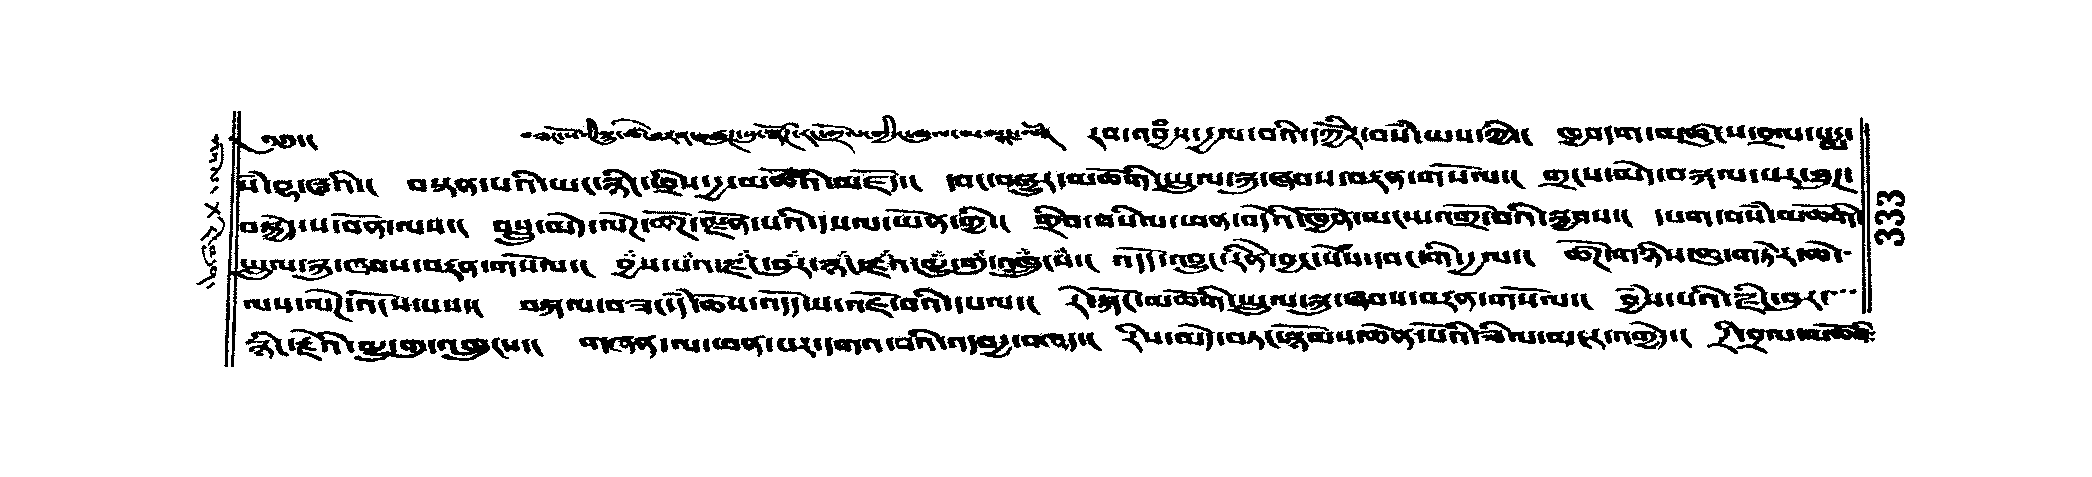བཟང་པོའི་སྐུ་ཚེ་བརྟན་བཞུགས་སུ་སྣ་ཚོགས་རང་གྲོལ་གྱིས་ཕུལ་བ་མངྒ་ལམ།། རབ་འབྱམས་རྒྱལ་བའི་དཀྱིལ་འཁོར་བསམ་ཡས་ཀྱི། །ཁྱབ་བདག་མཚུངས་བྲལ་པདྨ་
སམ་བྷ་ཝའི། །བསྟན་པའི་ཡང་སྙིང་ཕྲིན་ལས་རྒྱ་མཚོའི་མཛོད། །དབང་བསྒྱུར་མཆོག་གི་སྤྲུལ་སྐུ་ཞབས་བརྟན་གསོལ། །གྲངས་མེད་བསྐལ་པར་ཐུགས་
བསྐྱེད་ས་བོན་ལས། །བསླུ་མེད་ལེགས་ཚོགས་ལྗོན་པའི་དཔལ་ཡོན་གྱི། །གྲིབ་བསིལ་ཕན་བདེའི་ཁྱོན་ཡངས་འགྲོ་བའི་སྐྱབས། །དཔག་བསམ་མཆོག་གི་
སྤྲུལ་སྐུ་ཞབས་བརྟན་གསོལ། །བྱས་པའི་ལྗང་བུར་སྙིང་རྗེའི་མྱུ་གུ་འཁྲུངས། འདོད་འབྱུང་རིན་ཆེན་བྱང་སེམས་དབང་གི་རྒྱལ། །ཚོགས་གཉིས་ཆུ་གཏེར་ཆེ་
ལས་ལེགས་འོངས་པས། །བསྐལ་བཟང་དམ་ཆོས་འདོད་པ་འཇོ་བའི་དཔལ། །རེ་སྐོང་མཆོག་གི་སྤྲུལ་སྐུ་ཞབས་བརྟན་གསོལ། །བྱམས་པའི་རྗིང་བུར་
སྙིང་རྗེའི་མྱུ་གུ་འཁྲུངས། །གཞན་ལ་ཕན་པར་དགའ་བའི་འདབ་བརྒྱ་བཞད། །རིས་མེད་བཏང་སྙོམས་ཆེན་པོའི་ཟིལ་མངར་འགྱེད། །དྲི་བྲལ་མཆོག་གི་